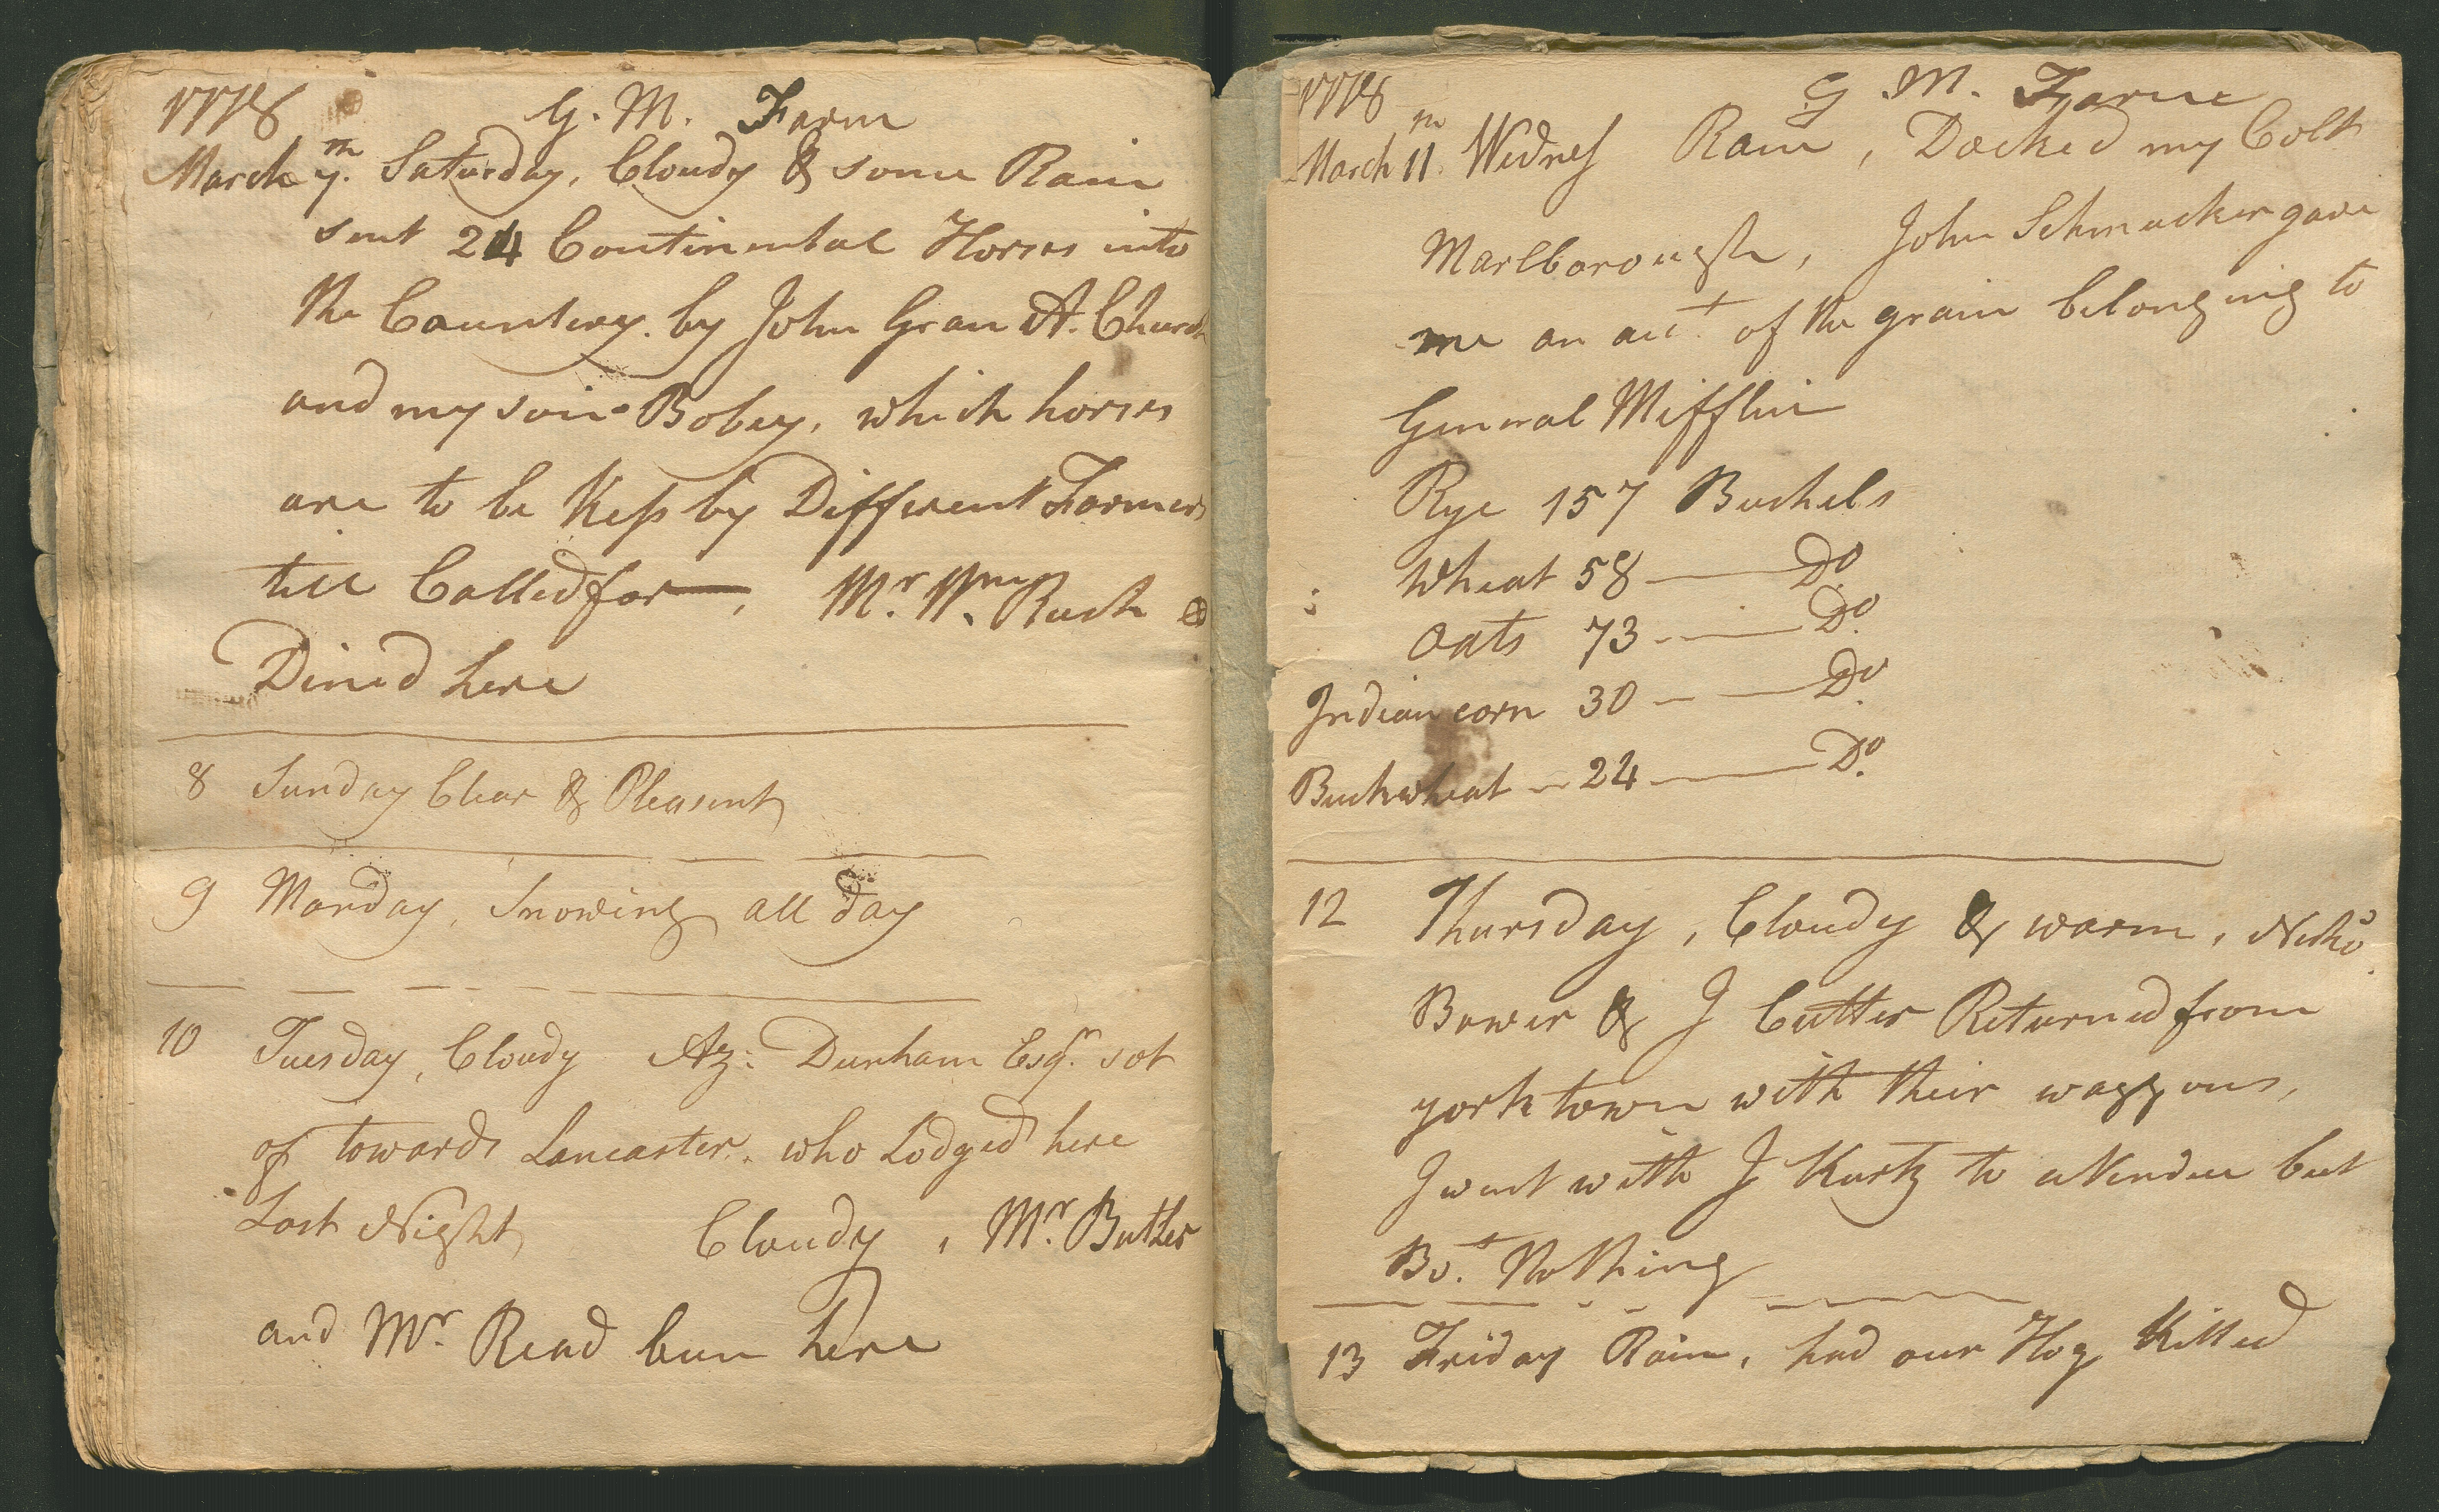1778
G. M. Farm
March 7^th. Saturday. Cloudy & some Rain
sent 24 Continental Horses into
the Cauntery by John Grau A. Church
and my son Bobey, which horses
are to be kep by Different Former
till Calledfor, M^r. W^m. Rush
Dined here
8 Sunday Clear & Pleasent
9 Monday, snowing all day
10 Tuesday Cloudy Az: Durham Esq^r. set
of towards Lancaster who Lodged here
Last Night
Cloudy, M^r. Butler
and M^r. Read been here
1778
G. M. Farm
March 11 Wednes Rain, Docked my Colt
Marlborough, John Schmucker gave
me an acc^t. of the grain belonging to
General Mifflin
Rye 157 Bushels
Wheat 58- D^o
Oxts 73- D^o
Indian corn 30- Dor
Buckwheat- 24- D^o.
12 Thursday, Cloudy & warm, Nicho^s
Bawer & J Cutter Returned from
yorktown with their waggons,
I went with I Kurtz to a Vendue but
Bo^t. Nothing
13 Friday Rain, had our Hog Kilted